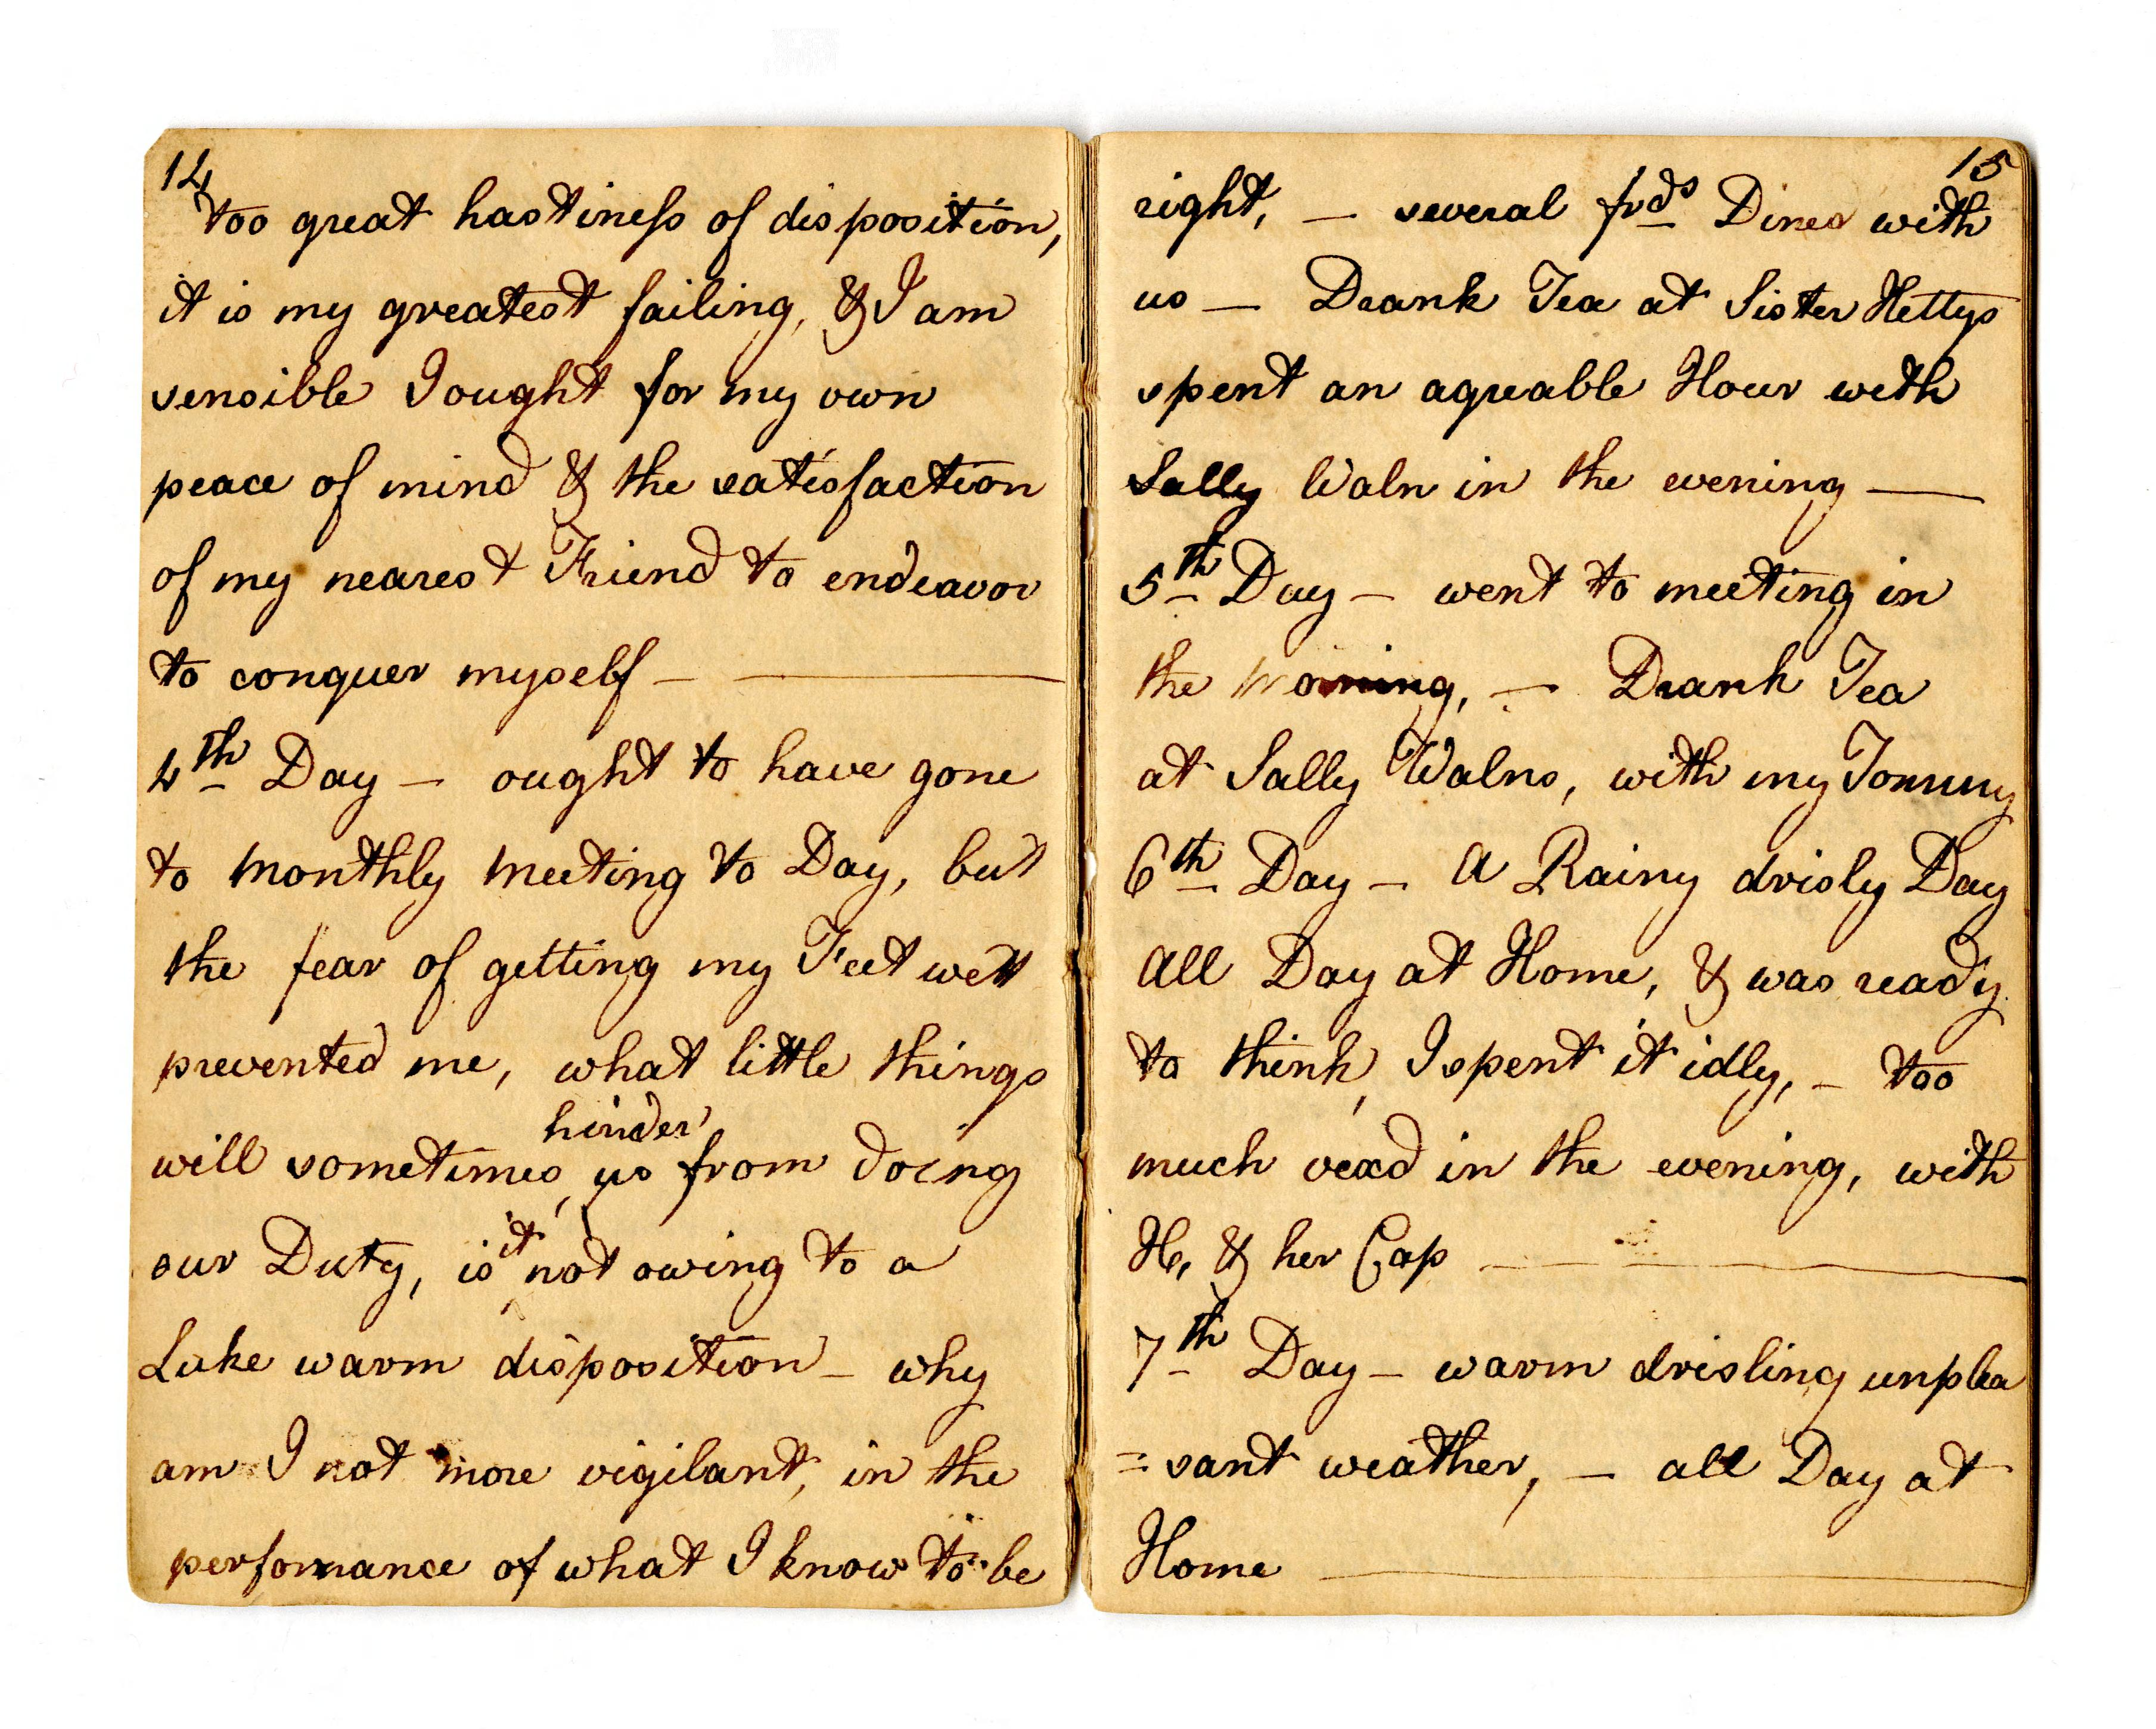14
too great hastiness of disposition,
it is my greatest failing, & I am
sensible I ought for my own
peace of mind & the satisfaction
of my nearest Friend to endeavour
to conquer myself-
4^th Day- ought to have gone
to monthly meeting to Day, but
the fear of getting my Feet wett
prevented me, what little things
hinder'
will sometimes ^ us from doing
it
our Duty, is ^ not owing to a
Luke warm disposition- why
am I not more vigilant, in the
performance of what I know to be
15
right,- several frd^s Dined with
us- Drank Tea at Sister Hettys
spent an agreable Hour with
Sally Waln in the evening-
5^th Day- went to meeting in
the morning,- Drank Tea
at Sally Walns, with my Tommy
6^th Day- A Rainy drisly Day
All Day at Home, & was ready
to think, I spent it idly,- too
much vexd in the evening, with
H, & her Cap
7^th Day- warm drisling unplea
-sant weather,- all Day at
Home-